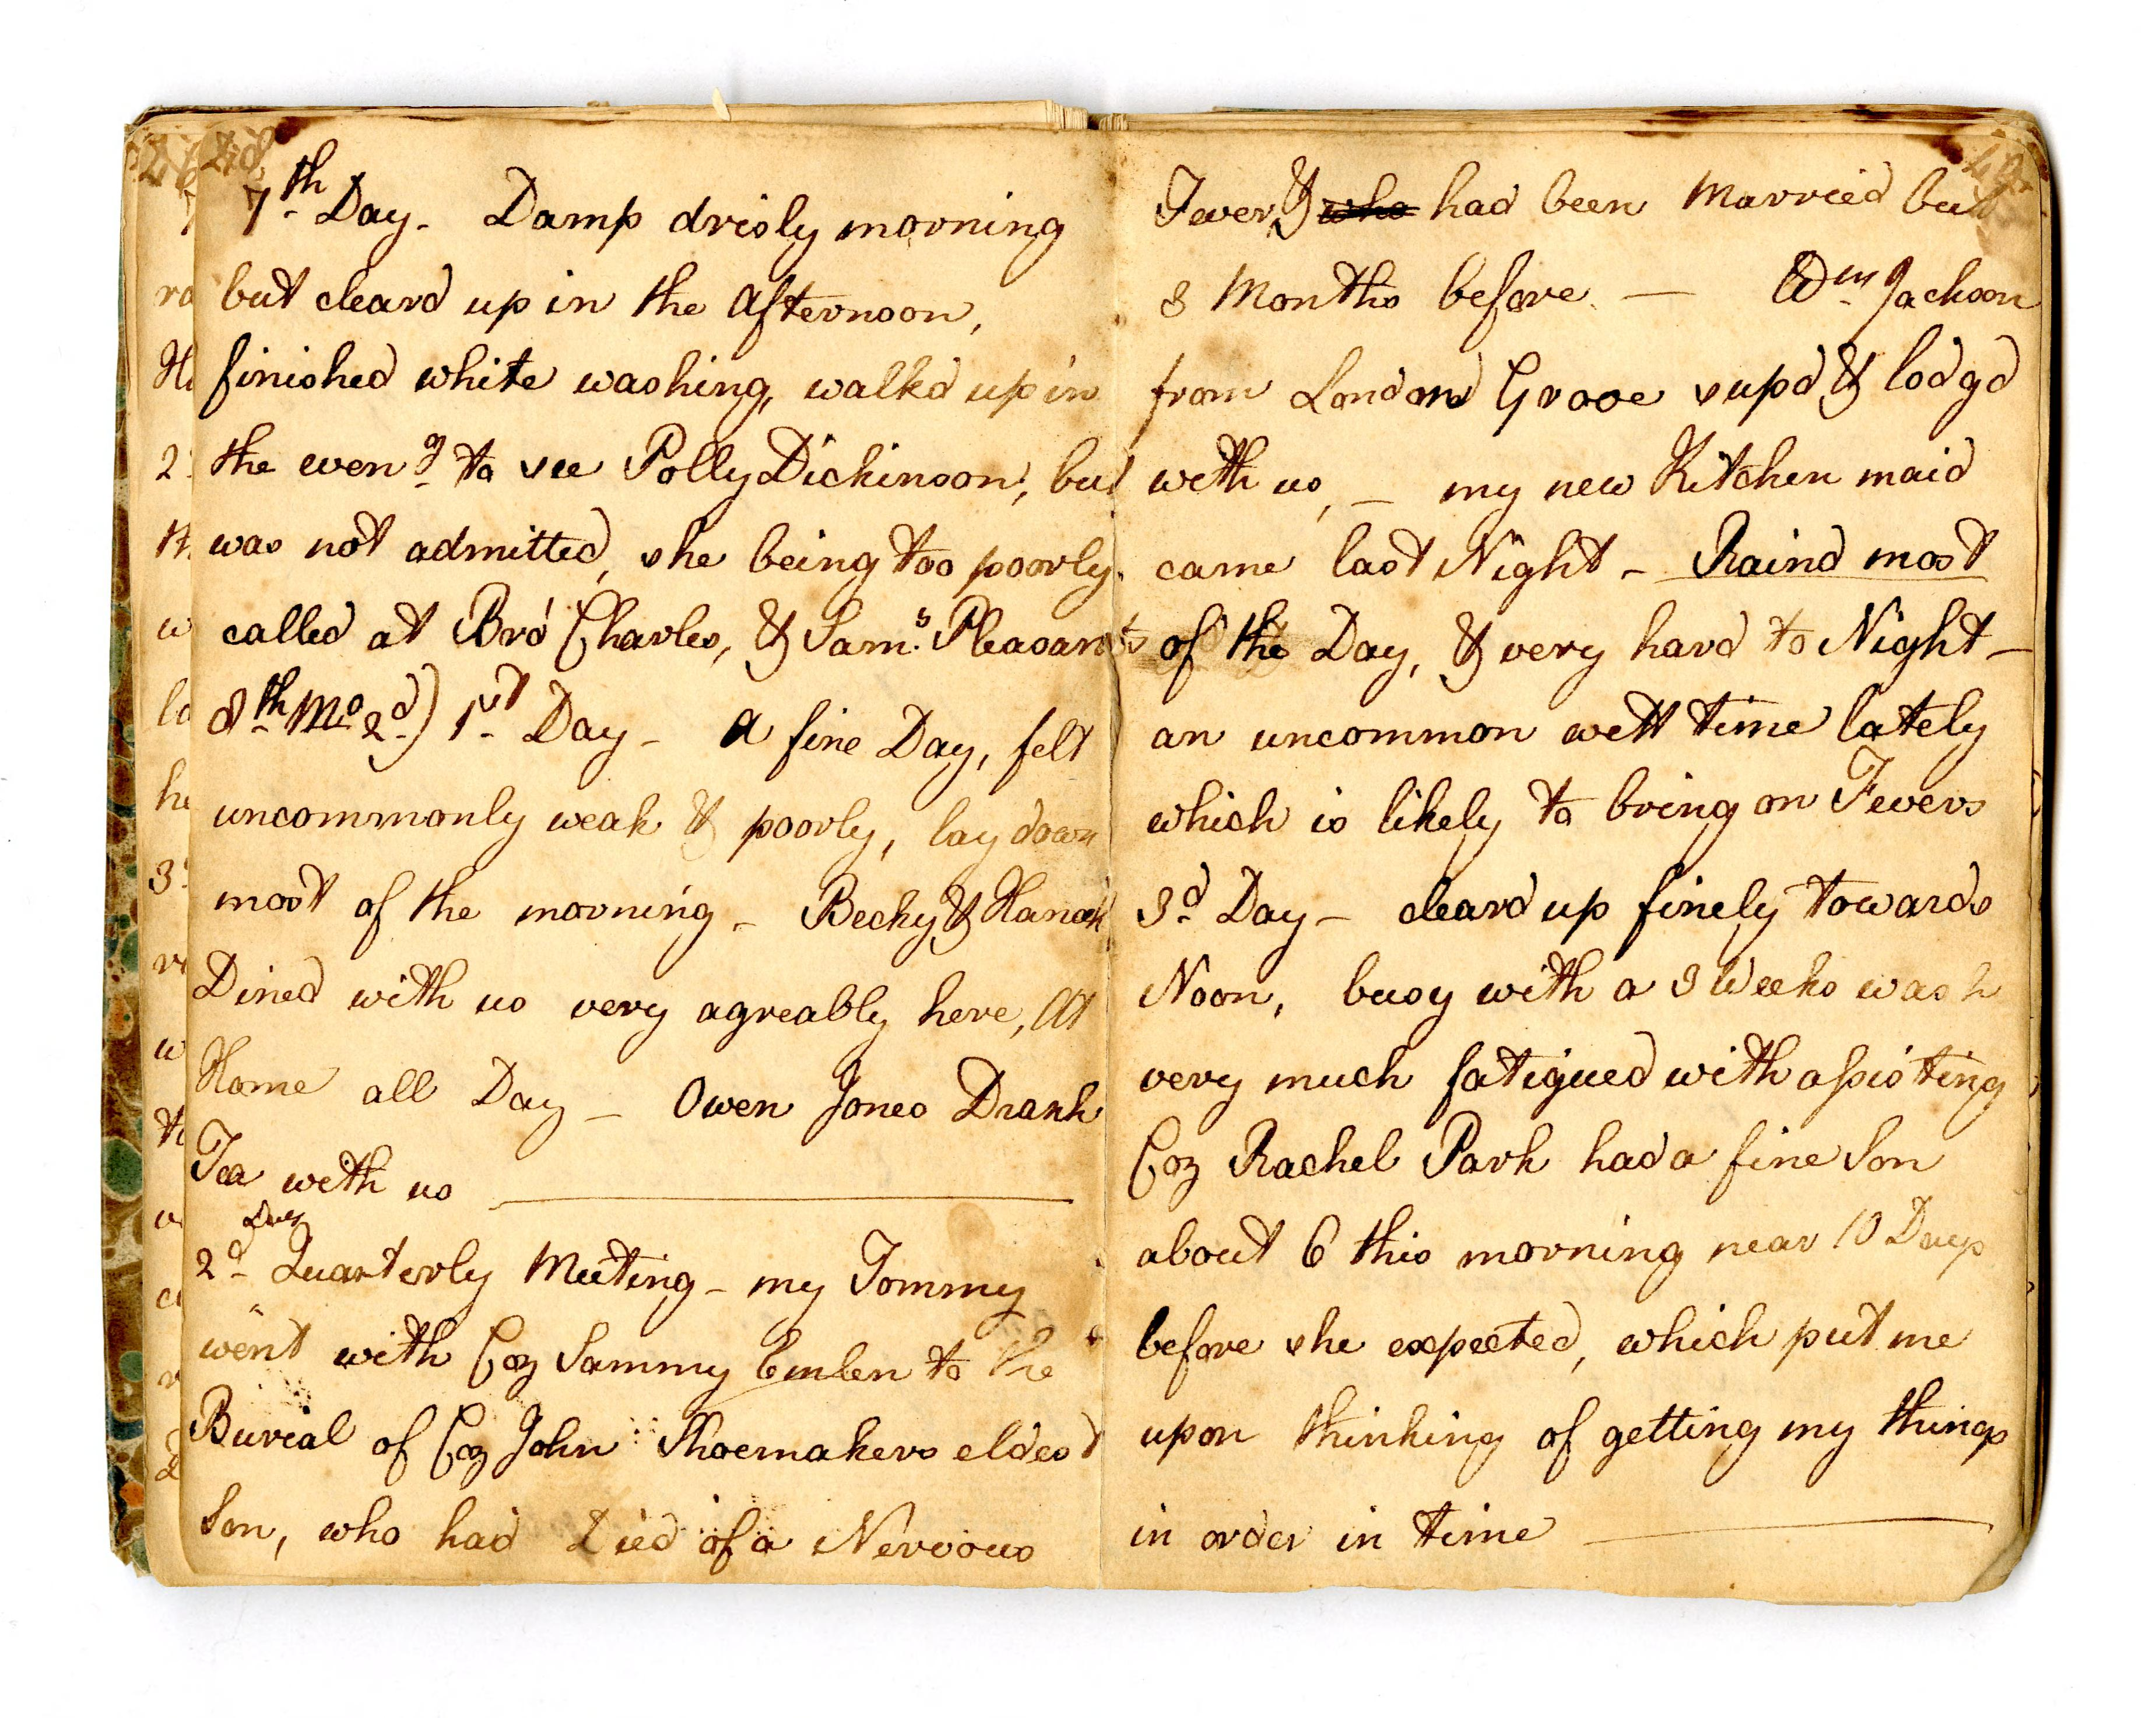48
7^th. Day. Damp drisly morning
but cleard up in the Afternoon,
finished white washing, walkd up in
the even^g to see Polly Dickinson, but
was not admitted, she being too poorly
called at Bro' Charles, & Sam^y Pleasan
8^th. M^o 2^d.) 1^st. Day- A fine Day, felt
uncommonly weak & poorly, lay down
most of the morning- Becky & Hanah
Dined with us very agreably here, At
Home all Day- Owen Jones Drank
Tea with us
Day
2^d Quarterly Meeting- my Tommy
went with Coz Sammy Emlen to the
Burial of Coz John Shoemakers eldest
Son, who had Died of a Nervous
49
Fever & who had been Married but
8 Months before- W^m Jackson
from London Grove supd & lodgd
with us,- my new Kitchen maid
came last Night- Raind most
of the Day, & very hard to Night
an uncommon wett time lately
which is likely to bring on Fevers
3^d. Day- cleard up finely towards
Noon, busy with a 3 Weeks wash
very much fatigued with assisting
Coz Rachel Park had a fine Son
about 6 this morning near 10 Days
before she expected, which put me
upon thinking of getting my things
in order in time